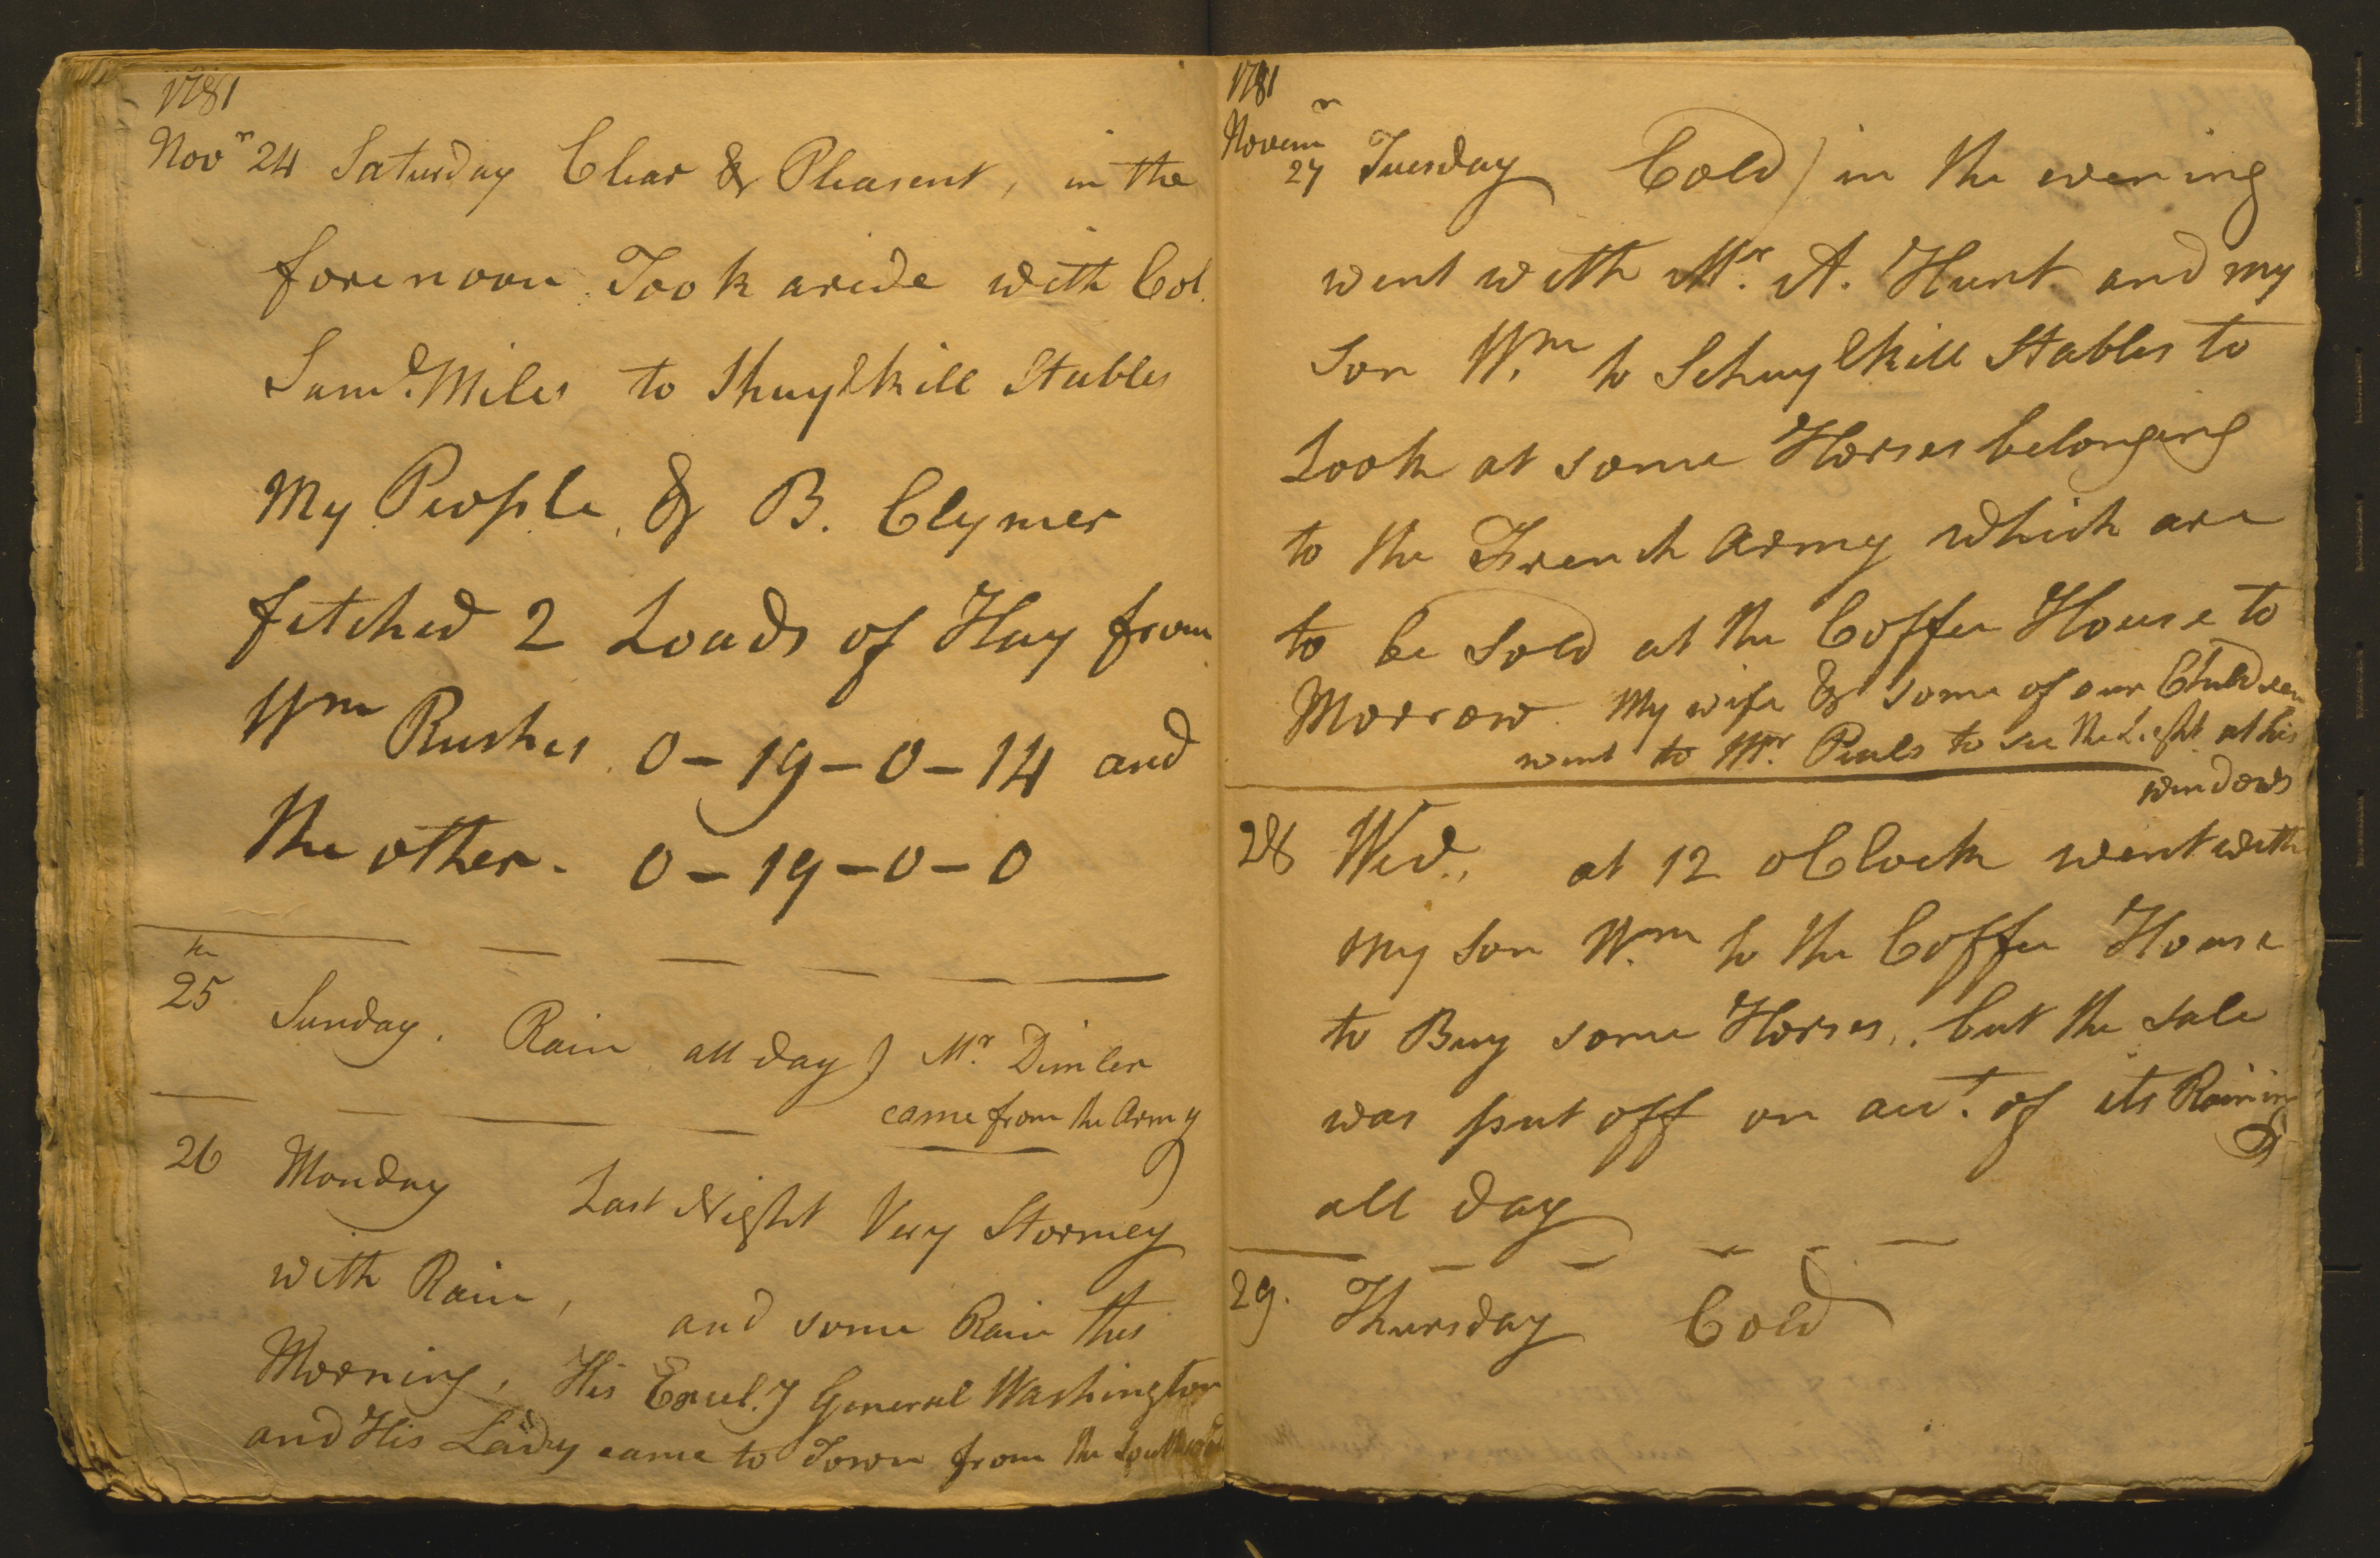1781
Nov^r 24 Saturday Clear & Pleasent, in the
forenoon Took a ride with Col
Sam^l. Miles to Shuylkill Stables
My People & B. Clymer
fetched 2 Loads of Hay from
W^m. Ruches. 0-19-0-14 and
The other. 0-19-0-0
25^th Sunday. Rain all day I M^r. Dimler
came from the Army
26 Monday Last Night Very Stormey
with Rain, and some Rain this
Morning, His Excel^y. General Washington
and His Lady came to Town from the southward
1781
Novem^r
27 Tuesday Cold / in the evening
went with M^r. A. Hunt and my
Ton W^m. to Schuylkill Stables to
Look at some Horses belonging
to the French army which are
to be sold at the Coffer House to
Morrow. My wife & some of our Children
went to M^r. Peals to see the Light at his
windows
28 Wed. at 12 oClock went with
ty son W^m. to the Coffer House
to Bery some Horses, but the sale
was put off on acc^t. of its Raining
all day
29 Thursday Cold